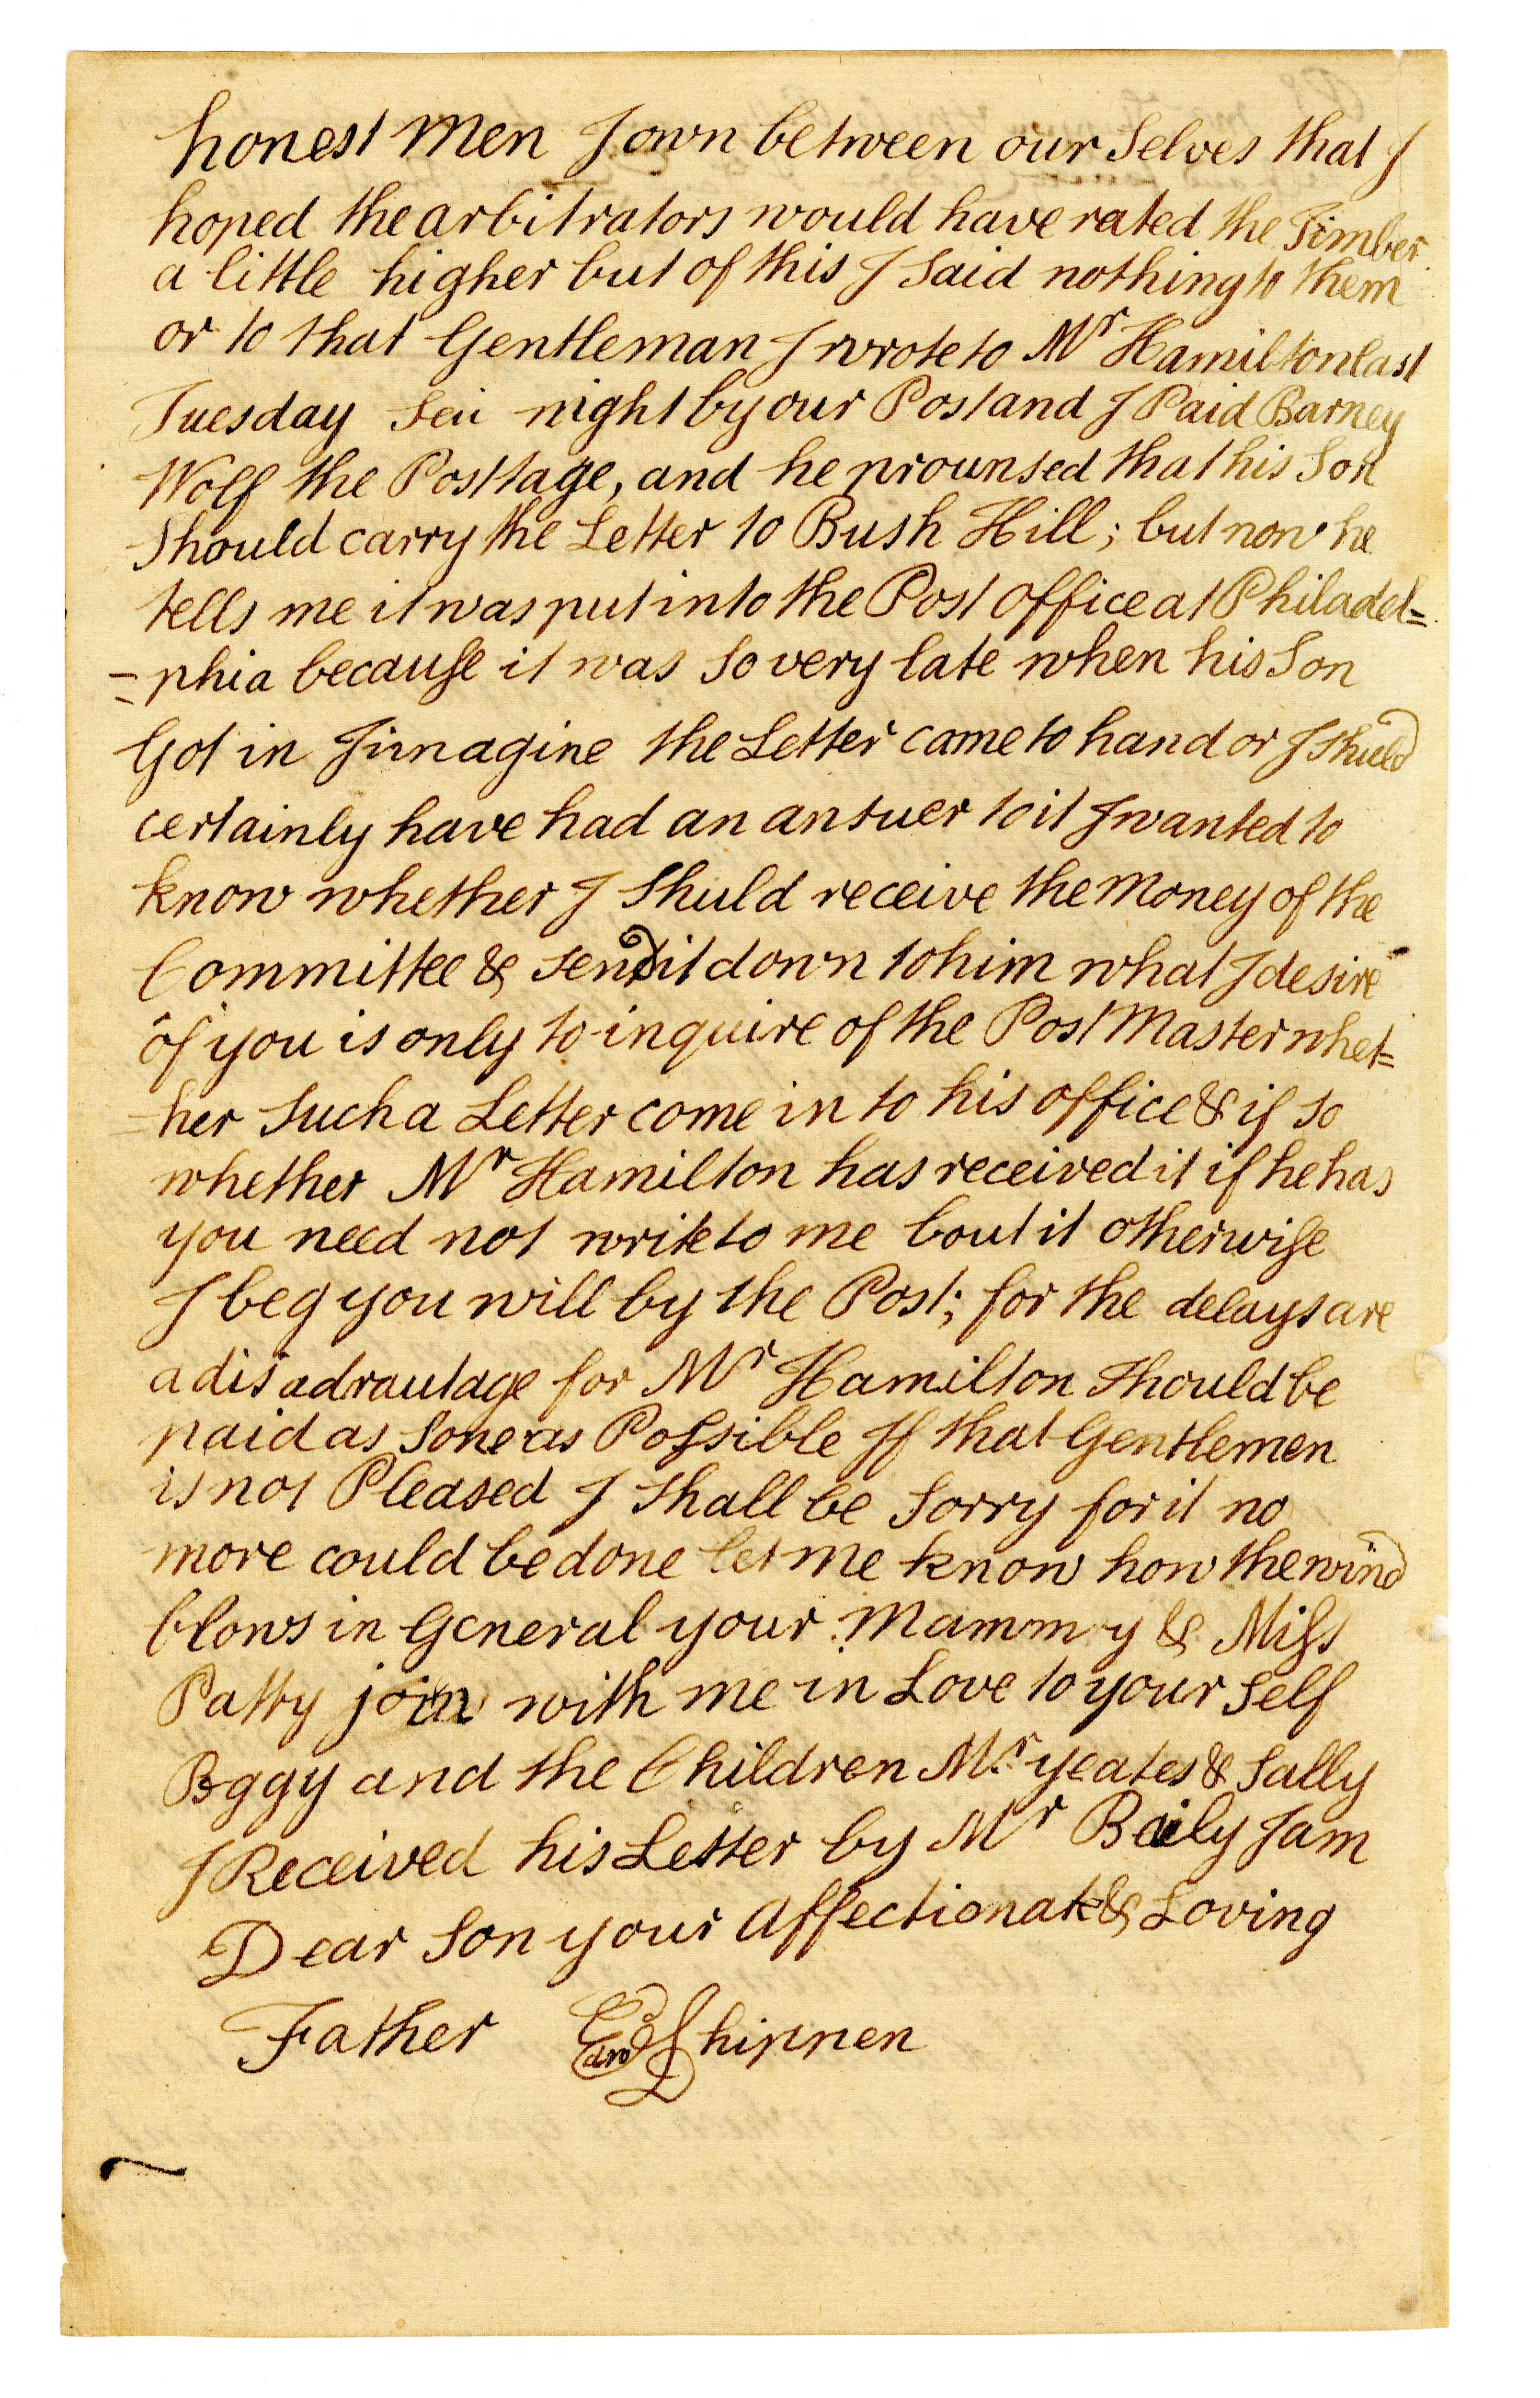honest Men Torn between our Selves that I
hoped the arbitrators would have rated the Timber
a little higher but of this I said nothing to them
or to that Gentleman I wrote to M^r Hamilton last
Tuesday sei night by our Post and I Paid Barney
Wolf the Posttage, and he prounsed that his Son
Should carry the Letter to Bush Hill; but now he
tells me it was put into the Post office at Philadel-
-phia because it was so very late when his Son
Got in finnagine the Letter came to hand or I shield
certainly have had an answer to it I wanted to
know whether I Shuld receive the Money of the
Committee & send it down to him what I desire
of you is only to-inquire of the Post Master whet=
=her such a Letter come in to his office & if so
whether M^r Hamilton has received it if he has
you need not write to me bout it otherwise
I beg you will by the Post; for the delays are
a disadvautage for M^r Hamilton Should be
paid as Sone as Possible If that Gentlemen
is not Pleased I shall be Sorry for it no
more could be done let me know how the wind
blows in General Your Mammy & Mis
Patty join with me in Love to your Self
Peggy and the Children M^r. Yeates & Sally
I received his Letter by M^r Baily Iam
Dear Son your Affectionate & Loving
Father
Edw^d Shippen